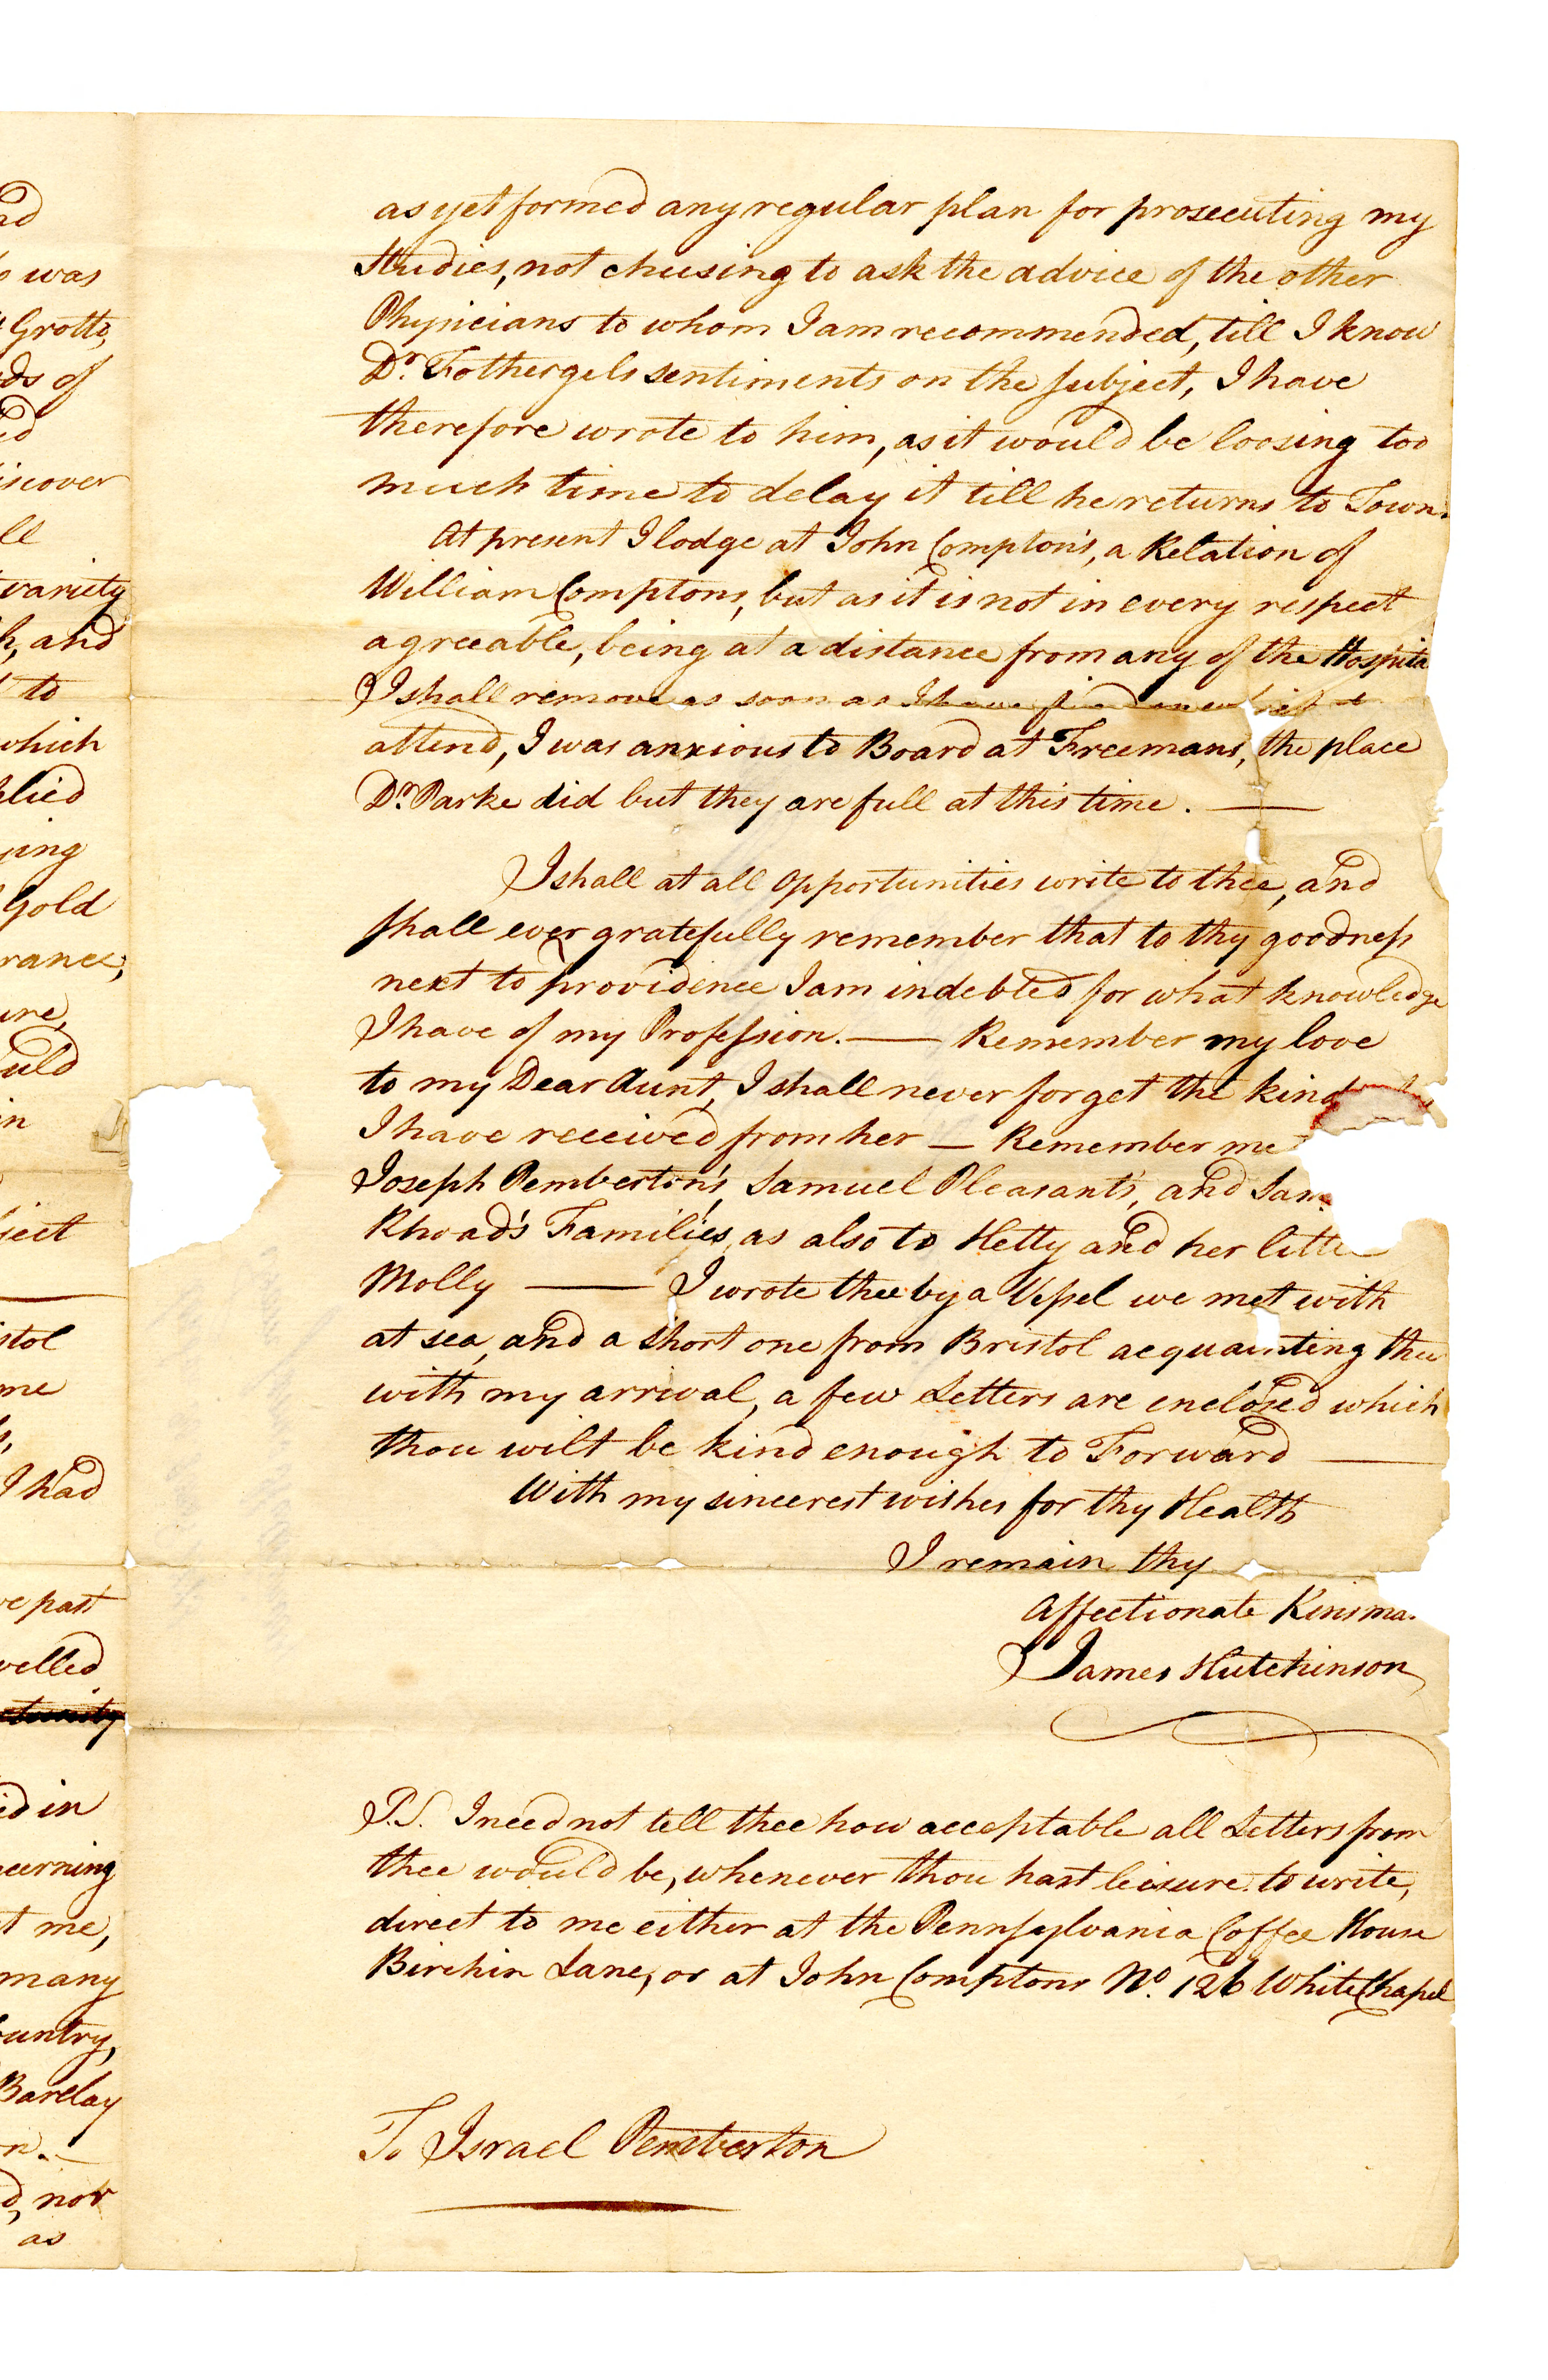as yet formed any regular plan for prosecuting my
Studies, not chusing to ask the advice of the other
Physicians to whom I am recommended, till I know
D^r. Fothergels sentiments on the subject, I have
therefore wrote to him, as it would be loosing too
much time to delay it till he returns to Town.
At present I lodge at John Compton's, a Relation of
William Comptons, but as it is not in every respect
agreeable, being at a distance from any of the Hospita
I shall remove as soon as I have found [_____] [__] [_]
attend, I was anxious to Board at Freemans, the place
D^r. Parke did but they are full at this time.-
I shall at all opportunities write to thee, and
shall ever gratefully remember that to thy goodness
next to providence I am indebted for what knowledge
I have of my Profession.- Remember my love
to my Dear Aunt, I shall never forget the kind [__]
I have received from her- Remember me
Joseph Pemberton's, Samuel Pleasant's, and Sam.
Rhoad's Families as also to Hetty and her little
Molly- I wrote thee by a Vessel we met with
at sea, and a short one from Bristol acquainting thee
with my arrival, a few Letters are enclosed which
thou will be kind enough to Forward-
With my sincerest wishes for thy Health
I remain thy
affectionate Kinsman
James Hutchinson
P.S. I need not tell thee how acceptable all Letters from
thee would be, whenever thou hast leisure to write,
direct to me either at the Pennsylvania Coffee House
Birchin Lane, or at John Comptons N^o. 126 White Chapel
To Israel Pemberton